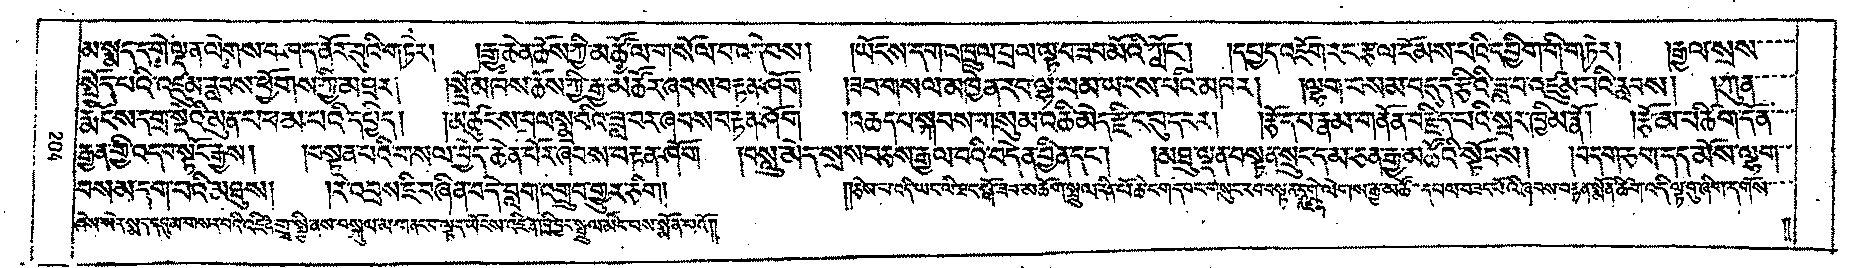མ་སྨད་དགེ྾་ལྡན་ལེགས྾་བཤད་ནོར་བུའི་གཏེར། །རྒྱ྾་ཆེན་ཆོས་ཀྱི་མཚོ྾་ལ་གསོལ་བ་འདེབས། །ཡོངས་དག་འཁྲུལ་བྲལ་ལྟ་བ་ཟབ་མོའི་ཀློང་། །དཔྱད་འཇོག་རང་རྩལ་ངོམས་པའི་དབྱིག་གི་གཏེར། །རྒྱལ་སྲས་
སྤྱོད་པའི་འཛུམ་རླབས་ཕྱོགས་ཀྱི་མཐར། །སྤྲོ་མཁས་ཆོས་ཀྱི་རྒྱ་མཚོར་ཞབས་བརྟན་ཤོག །ཟབ་གསལ་མཁྱེན་རབ་ལྷ་ལམ་ཡངས་པའི་མཁར། །ལྷག་བསམ་བདུད་རྩིའི་ཟླ་བ་འཛུམ་པའི་རླབས། །ཀུན་
རྨོངས་དགྲ་སྡེའི་མུན་པ་ཕམ་པའི་དཔྱིད། །མཚུངས་བྲལ་སྨྲ་བའི་ཟླ་བར་ཞབས་བརྟན་ཤོག །འཆད་པ་སྐབས་གསུམ་འཆི་མེད་རྫིང་བུ་དངར། །རྩོད་པ་རྣམ་གནོན་བརྗིད་པའི་སྔར་ཁྱིམ་རྣོ། །རྩོམ་པ་ཚིག་དོན་
རྒྱན་གྱི་འདབ་སྟོང་རྒྱས། །བསྟན་པའི་གསལ་བྱད་ཆེན་པོར་ཞབས་བརྟན་ཤོག །བསླུ་མེད་སྲས་བཅས་རྒྱལ་བའི་བདེན་བྱིན་དང་། །མཐུ་ལྡན་བསྟན་སྲུང་དམ་ཅན་རྒྱ་མཚོའི་སྟོབས། །བདག་ཅག་དད་མོས་ལྷག་
བསམ་དག་པའི་མཐུས། །རེ་འབྲས་ཇི་བཞིན་བདེ་བླག་འགྲུབ་གྱུར་ཅིག ། །།ཅེས་པ་འདི་ཡང་ལི་ཐང་སྒོ་ཟབ་མཆོག་སྤྲུལ་རིན་པོ་ཆེ་ངག་དབང་གསུང་རབ་བསྟན་འཛིན་དགེ་ལེགས་རྒྱ་མཚོ་དཔལ་བཟང་པོའི་ཞབས་བརྟན་སྨོན་ཚིག་འདི་ལྟ་བུ་ཞིག་དགོས་
ཞེས་སེར་སྨད་དབུ་མ་གསར་པའི་འཛིན་གྲྭ་སྤྱི་ནས་བསྐུལ་མ་གནང་བ་ལྟར་ཡོངས་འཛིན་ཁྲི་བྱང་སྤྲུལ་མིང་པས་སྨོན་པའོ།།